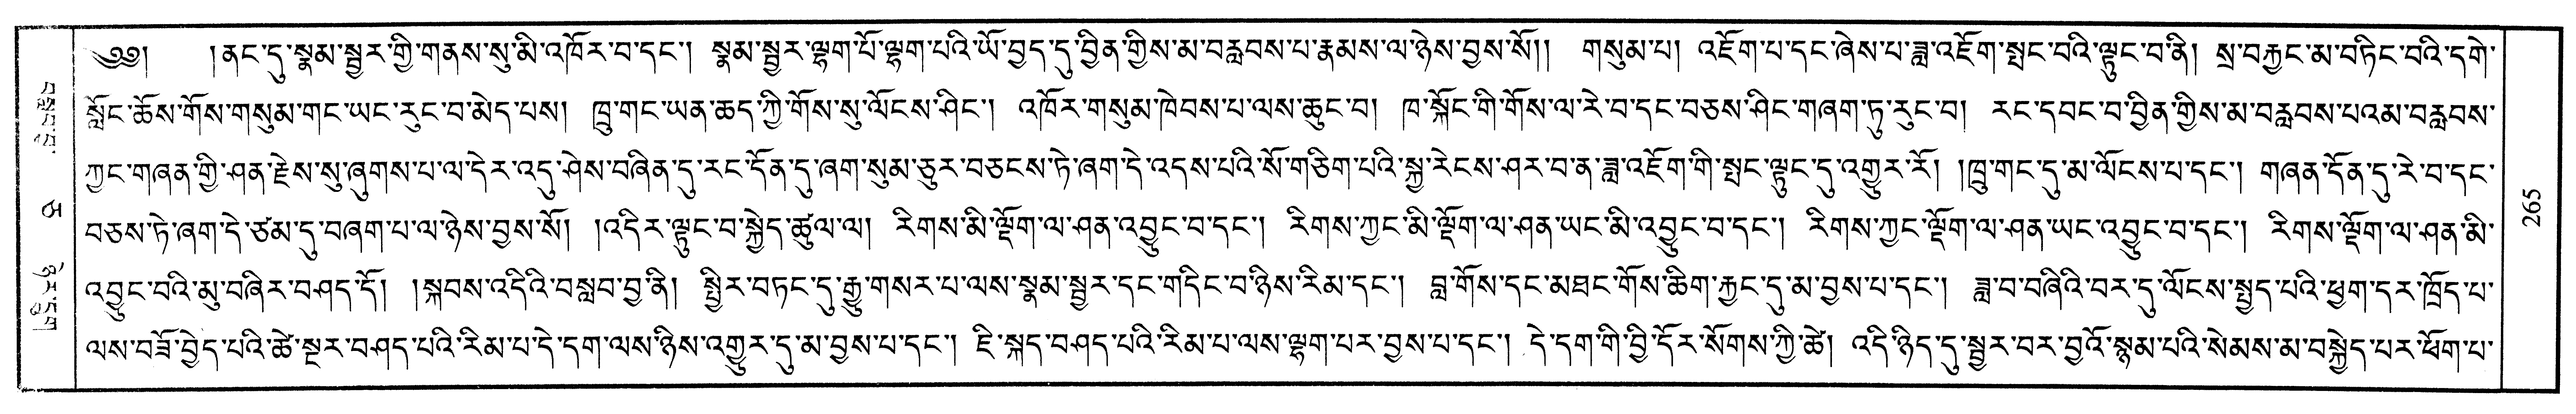༄༅། །ནང་དུ་སྣམ་སྦྱར་གྱི་གནས་སུ་མི་འཁོར་བ་དང་། སྣམ་སྦྱར་ལྷག་པོ་ལྷག་པའི་ཡོ་བྱད་དུ་བྱིན་གྱིས་མ་བརླབས་པ་རྣམས་ལ་ཉེས་བྱས་སོ།། གསུམ་པ། འཇོག་པ་དང་ཞེས་པ་ཟླ་འཇོག་སྤང་བའི་ལྟུང་བ་ནི། སྲ་བརྐྱང་མ་བཏིང་བའི་དགེ་
སློང་ཆོས་གོས་གསུམ་གང་ཡང་རུང་བ་མེད་པས། ཁྲུ་གང་ཡན་ཆད་ཀྱི་གོས་སུ་ལོངས་ཤིང་། འཁོར་གསུམ་ཁེབས་པ་ལས་ཆུང་བ། ཁ་སྐོང་གི་གོས་ལ་རེ་བ་དང་བཅས་ཤིང་གཞག་ཏུ་རུང་བ། རང་དབང་བ་བྱིན་གྱིས་མ་བརླབས་པའམ་བརླབས་
ཀྱང་གཞན་གྱི་ཤན་རྗེས་སུ་ཞུགས་པ་ལ་དེར་འདུ་ཤེས་བཞིན་དུ་རང་དོན་དུ་ཞག་སུམ་ཅུར་བཅངས་ཏེ་ཞག་དེ་འདས་པའི་སོ་གཅིག་པའི་སྐྱ་རེངས་ཤར་བ་ན་ཟླ་འཇོག་གི་སྤང་ལྟུང་དུ་འགྱུར་རོ། །ཁྲུ་གང་དུ་མ་ལོངས་པ་དང་། གཞན་དོན་དུ་རེ་བ་དང་
བཅས་ཏེ་ཞག་དེ་ཙམ་དུ་བཞག་པ་ལ་ཉེས་བྱས་སོ། །འདིར་ལྟུང་བ་སྐྱེད་ཚུལ་ལ། རིགས་མི་ལྡོག་ལ་ཤན་འབྱུང་བ་དང་། རིགས་ཀྱང་མི་ལྡོག་ལ་ཤན་ཡང་མི་འབྱུང་བ་དང་། རིགས་ཀྱང་ལྡོག་ལ་ཤན་ཡང་འབྱུང་བ་དང་། རིགས་ལྡོག་ལ་ཤན་མི་
འབྱུང་བའི་མུ་བཞིར་བཤད་དོ། །སྐབས་འདིའི་བསླབ་བྱ་ནི། སྤྱིར་བཏང་དུ་རྒྱུ་གསར་པ་ལས་སྣམ་སྦྱར་དང་གདིང་བ་ཉིས་རིམ་དང་། བླ་གོས་དང་མཐང་གོས་ཆིག་རྐྱང་དུ་མ་བྱས་པ་དང་། ཟླ་བ་བཞིའི་བར་དུ་ལོངས་སྤྱད་པའི་ཕྱག་དར་ཁྲོད་པ་
ལས་བཟོ་བྱེད་པའི་ཚེ་སྔར་བཤད་པའི་རིམ་པ་དེ་དག་ལས་ཉིས་འགྱུར་དུ་མ་བྱས་པ་དང་། ཇི་སྐད་བཤད་པའི་རིམ་པ་ལས་ལྷག་པར་བྱས་པ་དང་། དེ་དག་གི་བྱི་དོར་སོགས་ཀྱི་ཚེ། འདི་ཉིད་དུ་སྦྱར་བར་བྱའོ་སྙམ་པའི་སེམས་མ་བསྐྱེད་པར་ཕོག་པ་